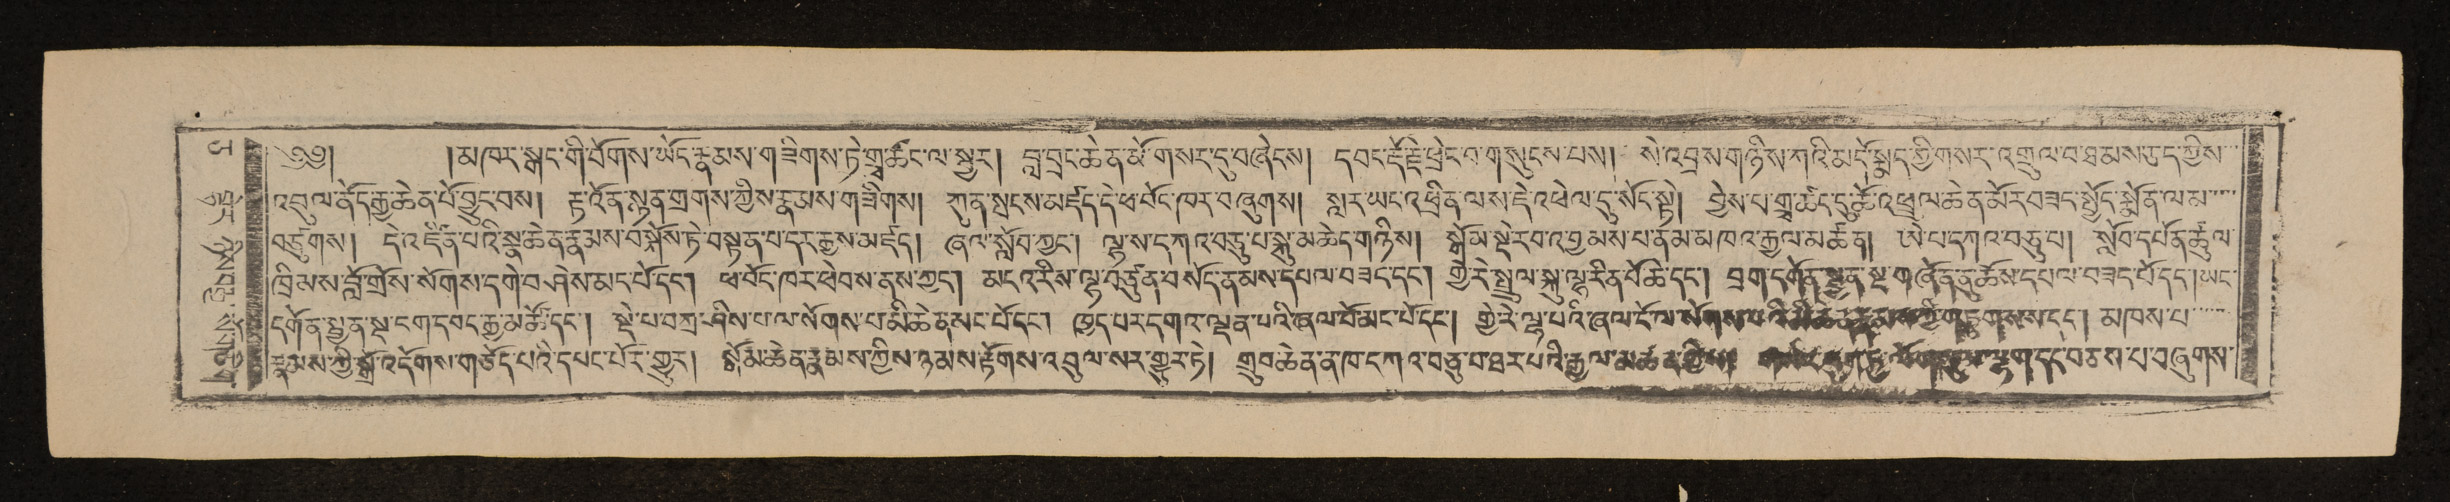༄༅། །མཁར་སྒང་གི་བོགས་ཡོང་རྣམས་གཟིགས་ཏེ་གྲྭ་ཚང་ལ་སྦྱར། བླ་བྲང་ཆེན་མོ་གསར་དུ་བཞེངས། དབང་རྡོ་རྗེ་ཕྲེང་བ་གསུངས་པས། སེ་འབྲས་གཉིས་ཀའི་མདོ་སྨད་ཀྱི་གསར་འགྲུལ་བ་ཐམས་ཅད་ཀྱིས་
འབུལ་ནོད་རྒྱ་ཆེན་པོ་བྱུང་བས། རྟ་འོན་སྙན་གྲགས་ཀྱིས་རྣམ་གཟིགས། ཀུན་སྤངས་མཛད་དེ་ཕ་བོང་ཁར་བཞུགས། སླར་ཡང་འཕྲིན་ལས་ཇེ་འཕེལ་དུ་སོང་སྟེ། བྱེས་པ་གྲྭ་ཚང་དུ་ཆོ་འཕྲུལ་ཆེན་མོར་བཟང་སྤྱོད་སྨོན་ལམ་
བཙུགས། དེ་འཛིན་པའི་སྣ་ཆེན་རྣམས་བསྐོས་ཏེ་བསྟན་པ་དར་རྒྱས་མཛད། ཞལ་སློབ་ཀྱང་། ལྷ་ས་དཀའ་བཅུ་པ་སྐུ་མཆེད་གཉིས། སྒོམ་སྡེ་རབ་འབྱམས་པ་ནམ་མཁའ་རྒྱལ་མཚན། ཨེ་པ་དཀའ་བཅུ་པ། སློབ་དཔོན་ཚུལ་
ཁྲིམས་བློ་གྲོས་སོགས་དགེ་བཤེས་མང་པོ་དང་། ཕ་བོང་ཁར་ཕེབས་ནས་ཀྱང་། མངའ་རིས་ལྷ་བཙུན་བསོད་ནམས་དཔལ་བཟང་དང་། གྱེ་རེ་སྤྲུལ་སྐུ་ལྷ་རིན་པོ་ཆེ་དང་། བྲག་དགོན་སྤྱན་སྔ་གཞོན་ནུ་ཆོས་དཔལ་བཟང་པོ་དང་། ཡང་
དགོན་སྤྱན་སྔ་ངག་དབང་རྒྱ་མཚོ་དང་། སྡེ་པ་བཀྲ་ཤིས་པ་ལ་སོགས་པ་མི་ཆེན་མང་པོ་དང་། ཁྱད་པར་དགའ་ལྡན་པའི་ཞལ་ངོ་མང་པོ་དང་། གྱེ་རེ་ལྷ་པའི་ཞལ་ངོ་ལ་སོགས་པའི་མི་ཆེན་རྣམས་ཀྱི་གཏུགས་ས་དང་། མཁས་པ་
རྣམས་ཀྱི་སྒྲོ་འདོགས་གཅོད་པའི་དཔང་པོར་གྱུར། སྒོམ་ཆེན་རྣམས་ཀྱིས་ཉམས་རྟོགས་འབུལ་སར་གྱུར་ཏེ། གྲུབ་ཆེན་ན་ཁ་དཀའ་བཅུ་པ་ཐར་པའི་རྒྱལ་མཚན་གྱིས། གསེར་ཕུག་ཏུ་ལོ་གསུམ་ལྷག་དང་བཅས་པ་བཞུགས་